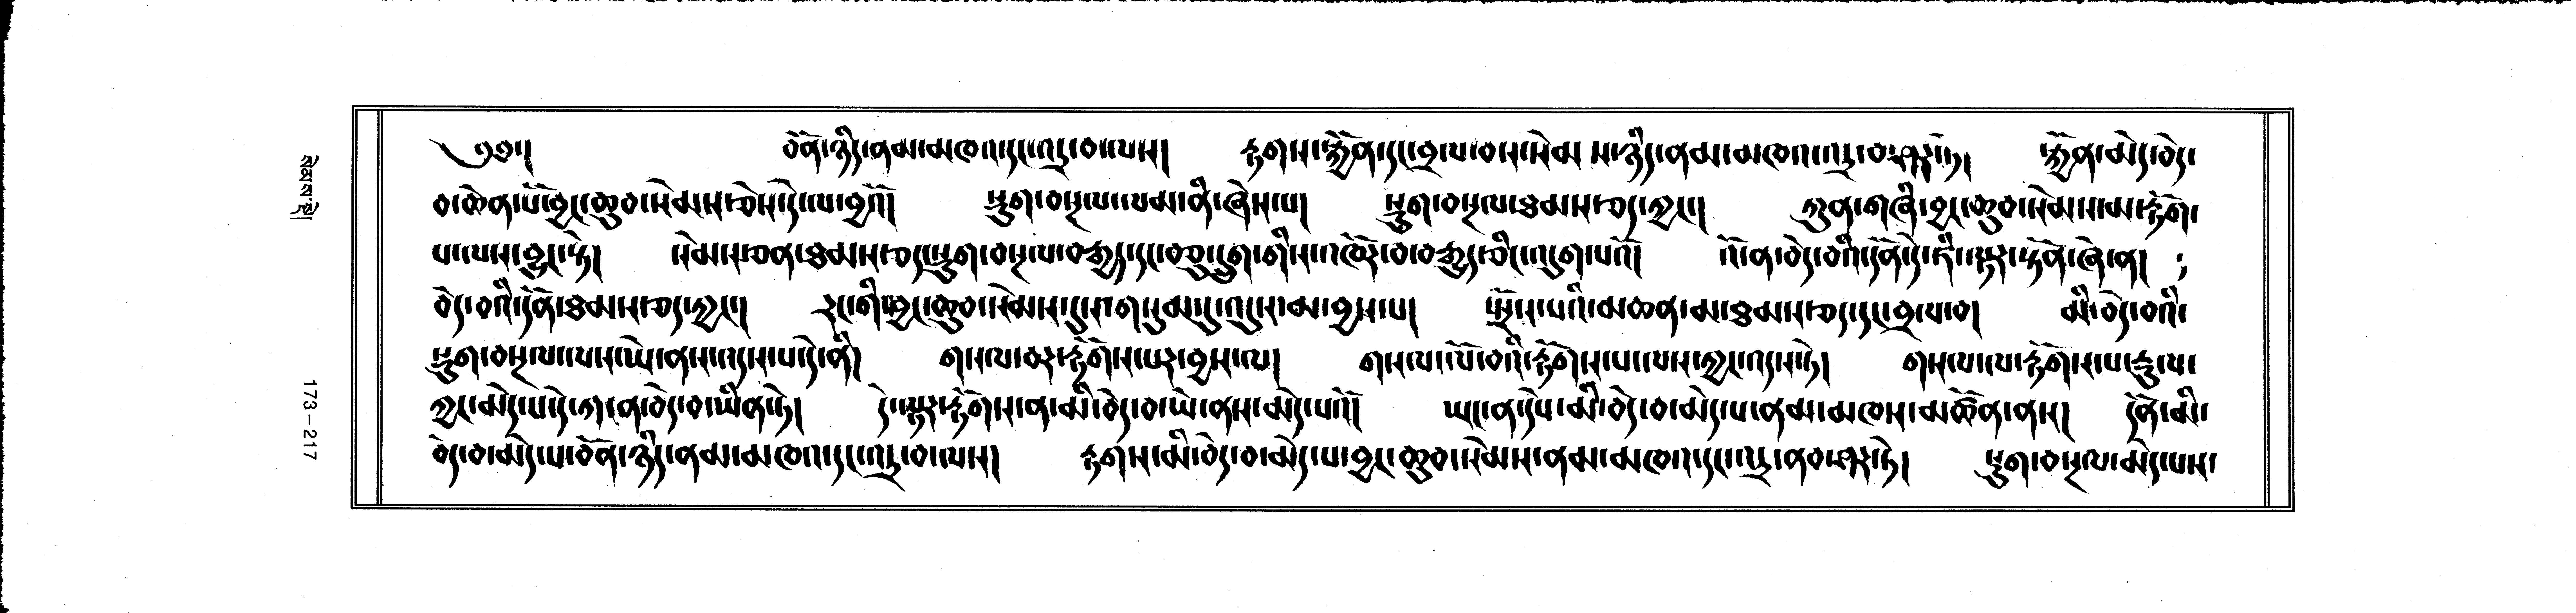བོན་ཉིད་ནམ་མཁའ་དང་འདྲ་བ་ལས། རྟགས་སྐྱོན་དང་བྲལ་བས་སེམས་ཉིད་ནམ་མཁའ་དང་འདྲ་བ་ཤར་ཏེ། སྐྱོན་མེད་བདེ་
བ་ཆེན་པོ་བྱང་ཆུབ་སེམས་ཅེས་དེ་ལ་བྱའོ། །སྡུག་བསྔལ་ལམ་ནི་ཞེས་པ། སྡུག་བསྔལ་ཐམས་ཅད་ཀྱང་། ཀུན་གཞི་བྱང་ཆུབ་སེམས་མ་རྟོགས་
པ་ལས་བྱུང་སྟེ། སེམས་ཅན་ཐམས་ཅད་སྡུག་བསྔལ་བརྒྱད་དང་བཅུ་དྲུག་གིས་འཁོར་བ་བརྒྱུད་ཅིང་འདུག་པའོ། །འོ་ན་བདེ་བའི་དོན་ཇི་ལྟར་སྟོན་ཞེ་ན། 
བདེ་བའི་དོན་ཐམས་ཅད་ཀྱང་། རང་གི་བྱང་ཆུབ་སེམས་དུས་གསུམ་དུ་འདུས་མ་བྱས་པ། སྤྲོས་པའི་མཚན་མ་ཐམས་ཅད་དང་བྲལ་བ། མི་བདེ་བའི་
སྡུག་བསྔལ་ལས་ཡེ་ནས་འདས་པ་དེ་ནི། གསལ་བར་རྟོགས་པར་བྱས་ལ། གསལ་ལོ་བས་རྟོགས་པ་ལས་ཀྱང་འདས་ཏེ། གསལ་ལ་རྟོགས་པ་རྡུལ་
ཀྱང་མེད་པ་དེ་ཀ་བདེ་བ་ཡིན་ཏེ། དེ་ལྟར་རྟོགས་ན་མི་བདེ་བ་ཡེ་ནས་མེད་པའོ། །ཡང་ན་དེས་མི་བདེ་བ་མེད་པ་ནམ་མཁས་མཚོན་ནས། དོན་མི་
བདེ་བ་མེད་པ་བོན་ཉིད་ནམ་མཁའ་དང་འདྲ་བ་ལས། རྟགས་མ་བདེ་བ་མེད་པ་བྱང་ཆུབ་སེམས་ནམ་མཁའ་དང་འདྲ་བ་ནབ་ཤར་ཏེ། སྡུག་བསྔལ་མེད་པས་